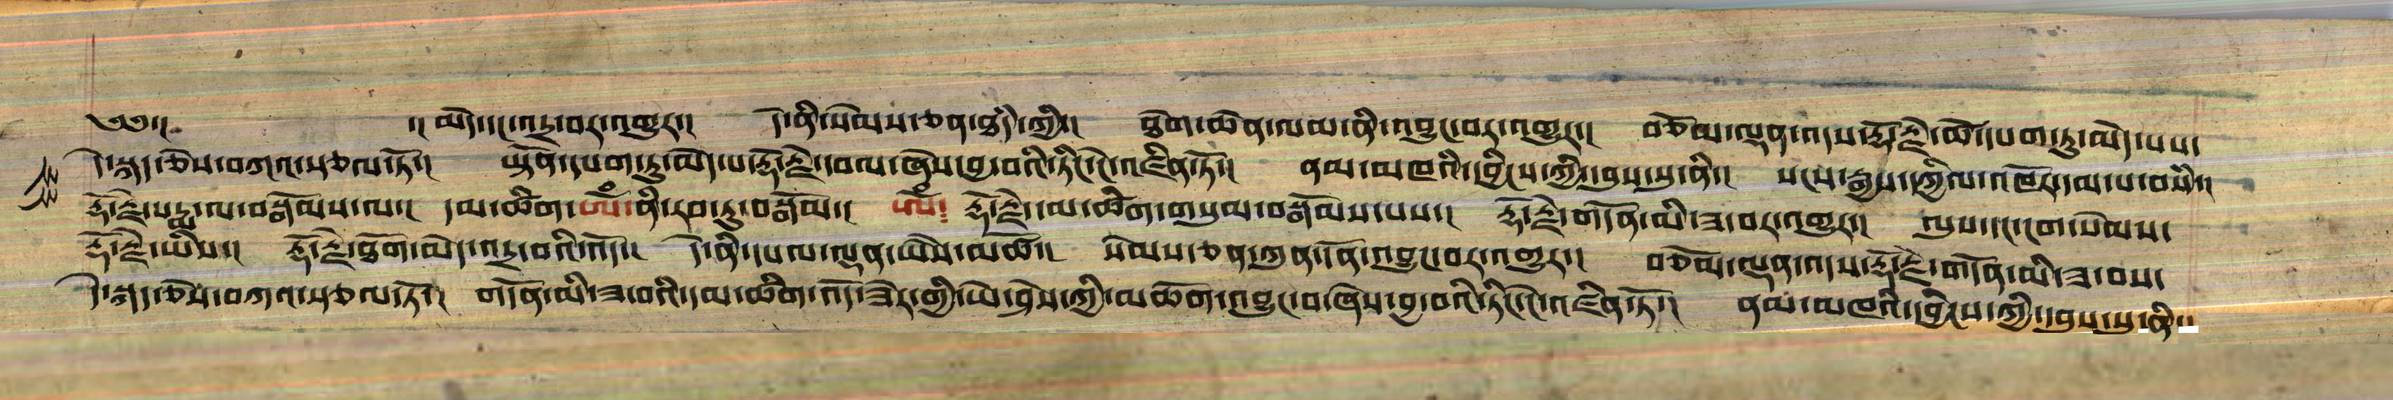༄༅་། ་།མེད་དང་འདྲ་བར་འགྱུར་། དེ་ནི་སེམས་ཅན་ཐཾད་ཀྱི་། ཐེག་ཆེན་ལམ་ནི་འབྱུང་བར་འགྱུར་། བཅོམ་ལྡན་འདས་རྡོ་རྗེ་ཚེ་དཔག་ཏུ་མེད་པས་
དེ་སྐད་ཅེས་བཀའ་སྩལ་ཏོ་། ཡྟོན་དཔག་ཏུ་མེད་པ་རྡོ་རྗེ་དབལ་ཞེས་བྱ་བའི་ཏིང་ངེ་འཛིན་ཏོ་། ནམ་མཁའི་དབྱིངས་ཀྱི་དབུས་སུ་ནི་། སངས་རྒྱས་དཀྱིལ་འཁོར་དམ་པ་བསཾ་།
རྡོ་རྗེ་པདྨ་ལ་བསྒོམས་ལ་། དམ་ཚིག་ཨོཾ་ནི་རབ་ཏུ་བསྒོམ་། ཨོཾ༴ རྡོ་རྗེ་དམ་ཚིག་གསུམ་བསྒོམས་པས་། རྡོ་རྗེ་གདོན་མི་ཟ་བར་འགྱུར་། ལུས་དང་ངག་སེམས་
རྡོ་རྗེ་ཡིས་། རྡོ་རྗེ་ཐོག་མེད་འདྲ་བའི་འོད་། དེ་ནི་དཔལ་ལྡན་ཡཻས་མཚོ་། སེམས་ཅན་ཀུན་དོན་འབྱུང་བར་འགྱུར་། བཅོམ་ལྡན་འདས་རྡོ་རྗེ་གདོན་མི་ཟ་བས་
དེ་སྐད་ཅེས་བཀའ་སྩལ་ཏོ་། གདོན་མི་ཟ་བའི་དམ་ཚིག་འོད་ཟེར་གྱི་ཡེ་ཤེས་ཀྱི་མཆོག་འབྱུང་བ་ཞེས་བྱ་བའི་ཏིང་ངེ་འཛིན་ཏོ་། ནམ་མཁའི་དབྱིངས་ཀྱི་དབུས་སུ་ནི་།